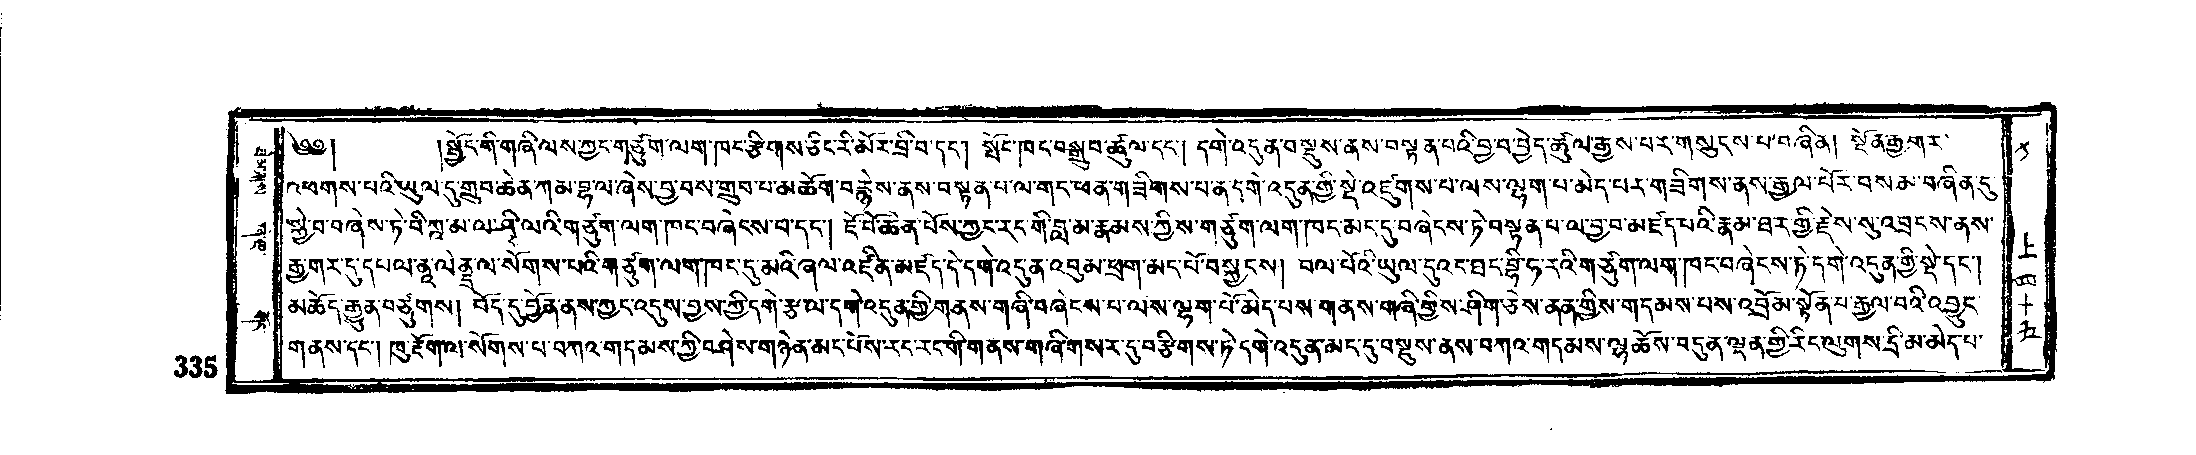༄༅། །སྦྱོང་གི་གཞི་ལས་ཀྱང་གཙུག་ལག་ཁང་རྩིགས་ཅིང་རི་མོར་བྲི་བ་དང་། སྤོང་ཁང་བསྒྲུབ་ཚུལ་དང་། དགེ་འདུན་བསྡུས་ནས་བསྟན་པའི་བྱ་བ་བྱེད་ཚུལ་རྒྱས་པར་གསུངས་པ་བཞིན། སྔོན་རྒྱ་གར་
འཕགས་པའི་ཡུལ་དུ་གྲུབ་ཆེན་ཀམ་བྷ་ལ་ཞེས་བྱ་བས་གྲུབ་པ་མཆོག་བརྙེས་ནས་བསྟན་པ་ལ་གང་ཕན་གཟིགས་པ་ན་དགེ་འདུན་གྱི་སྡེ་འཛུགས་པ་ལས་ལྷག་པ་མེད་པར་གཟིགས་ནས་རྒྱལ་པོར་བསམ་བཞིན་དུ་
སྐྱེ་བ་བཞེས་ཏེ་བི་ཀཱ་མ་ལ་ཤཱི་ལའི་གཙུག་ལག་ཁང་བཞེངས་པ་དང་། ཇོ་བོ་ཆེན་པོས་ཀྱང་རང་གི་བླ་མ་རྣམས་ཀྱིས་གཙུག་ལག་ཁང་མང་དུ་བཞེངས་ཏེ་བསྟན་པ་ལ་བྱ་བ་མཛད་པའི་རྣམ་ཐར་གྱི་རྗེས་སུ་འབྲངས་ནས་
རྒྱ་གར་དུ་དཔལ་ནཱ་ལེནྡྲ་ལ་སོགས་པའི་གཙུག་ལག་ཁང་དུ་མའི་ཞལ་འཛིན་མཛད་དེ་དགེ་འདུན་འབུམ་ཕྲག་མང་པོ་བསྐྱངས། བལ་པོའི་ཡུལ་དུའང་ཐང་བྷི་ཧ་རའི་གཙུག་ལག་ཁང་བཞེངས་ཏེ་དགེ་འདུན་གྱི་སྡེ་དང་།
མཆོད་རྒྱུན་བཙུགས། བོད་དུ་བྱོན་ནས་ཀྱང་འདུས་བྱས་ཀྱི་དགེ་རྩ་ལ་དགེ་འདུན་གྱི་གནས་གཞི་བཞེངས་པ་ལས་ལྷག་པོ་མེད་པས་གནས་གཞི་གྱིས་ཤིག་ཅེས་ནན་གྱིས་གདམས་པས་འབྲོམ་སྟོན་པ་རྒྱལ་བའི་འབྱུང་
གནས་དང་། ཁུ་རྡོག་ལ་སོགས་པ་བཀའ་གདམས་ཀྱི་བཤེས་གཉེན་མང་པོས་རང་རང་གི་གནས་གཞི་གསར་དུ་བརྩིགས་ཏེ་དགེ་འདུན་མང་དུ་བསྡུས་ནས་བཀའ་གདམས་ལྷ་ཆོས་བདུན་ལྡན་གྱི་རིང་ལུགས་དྲི་མ་མེད་པ་